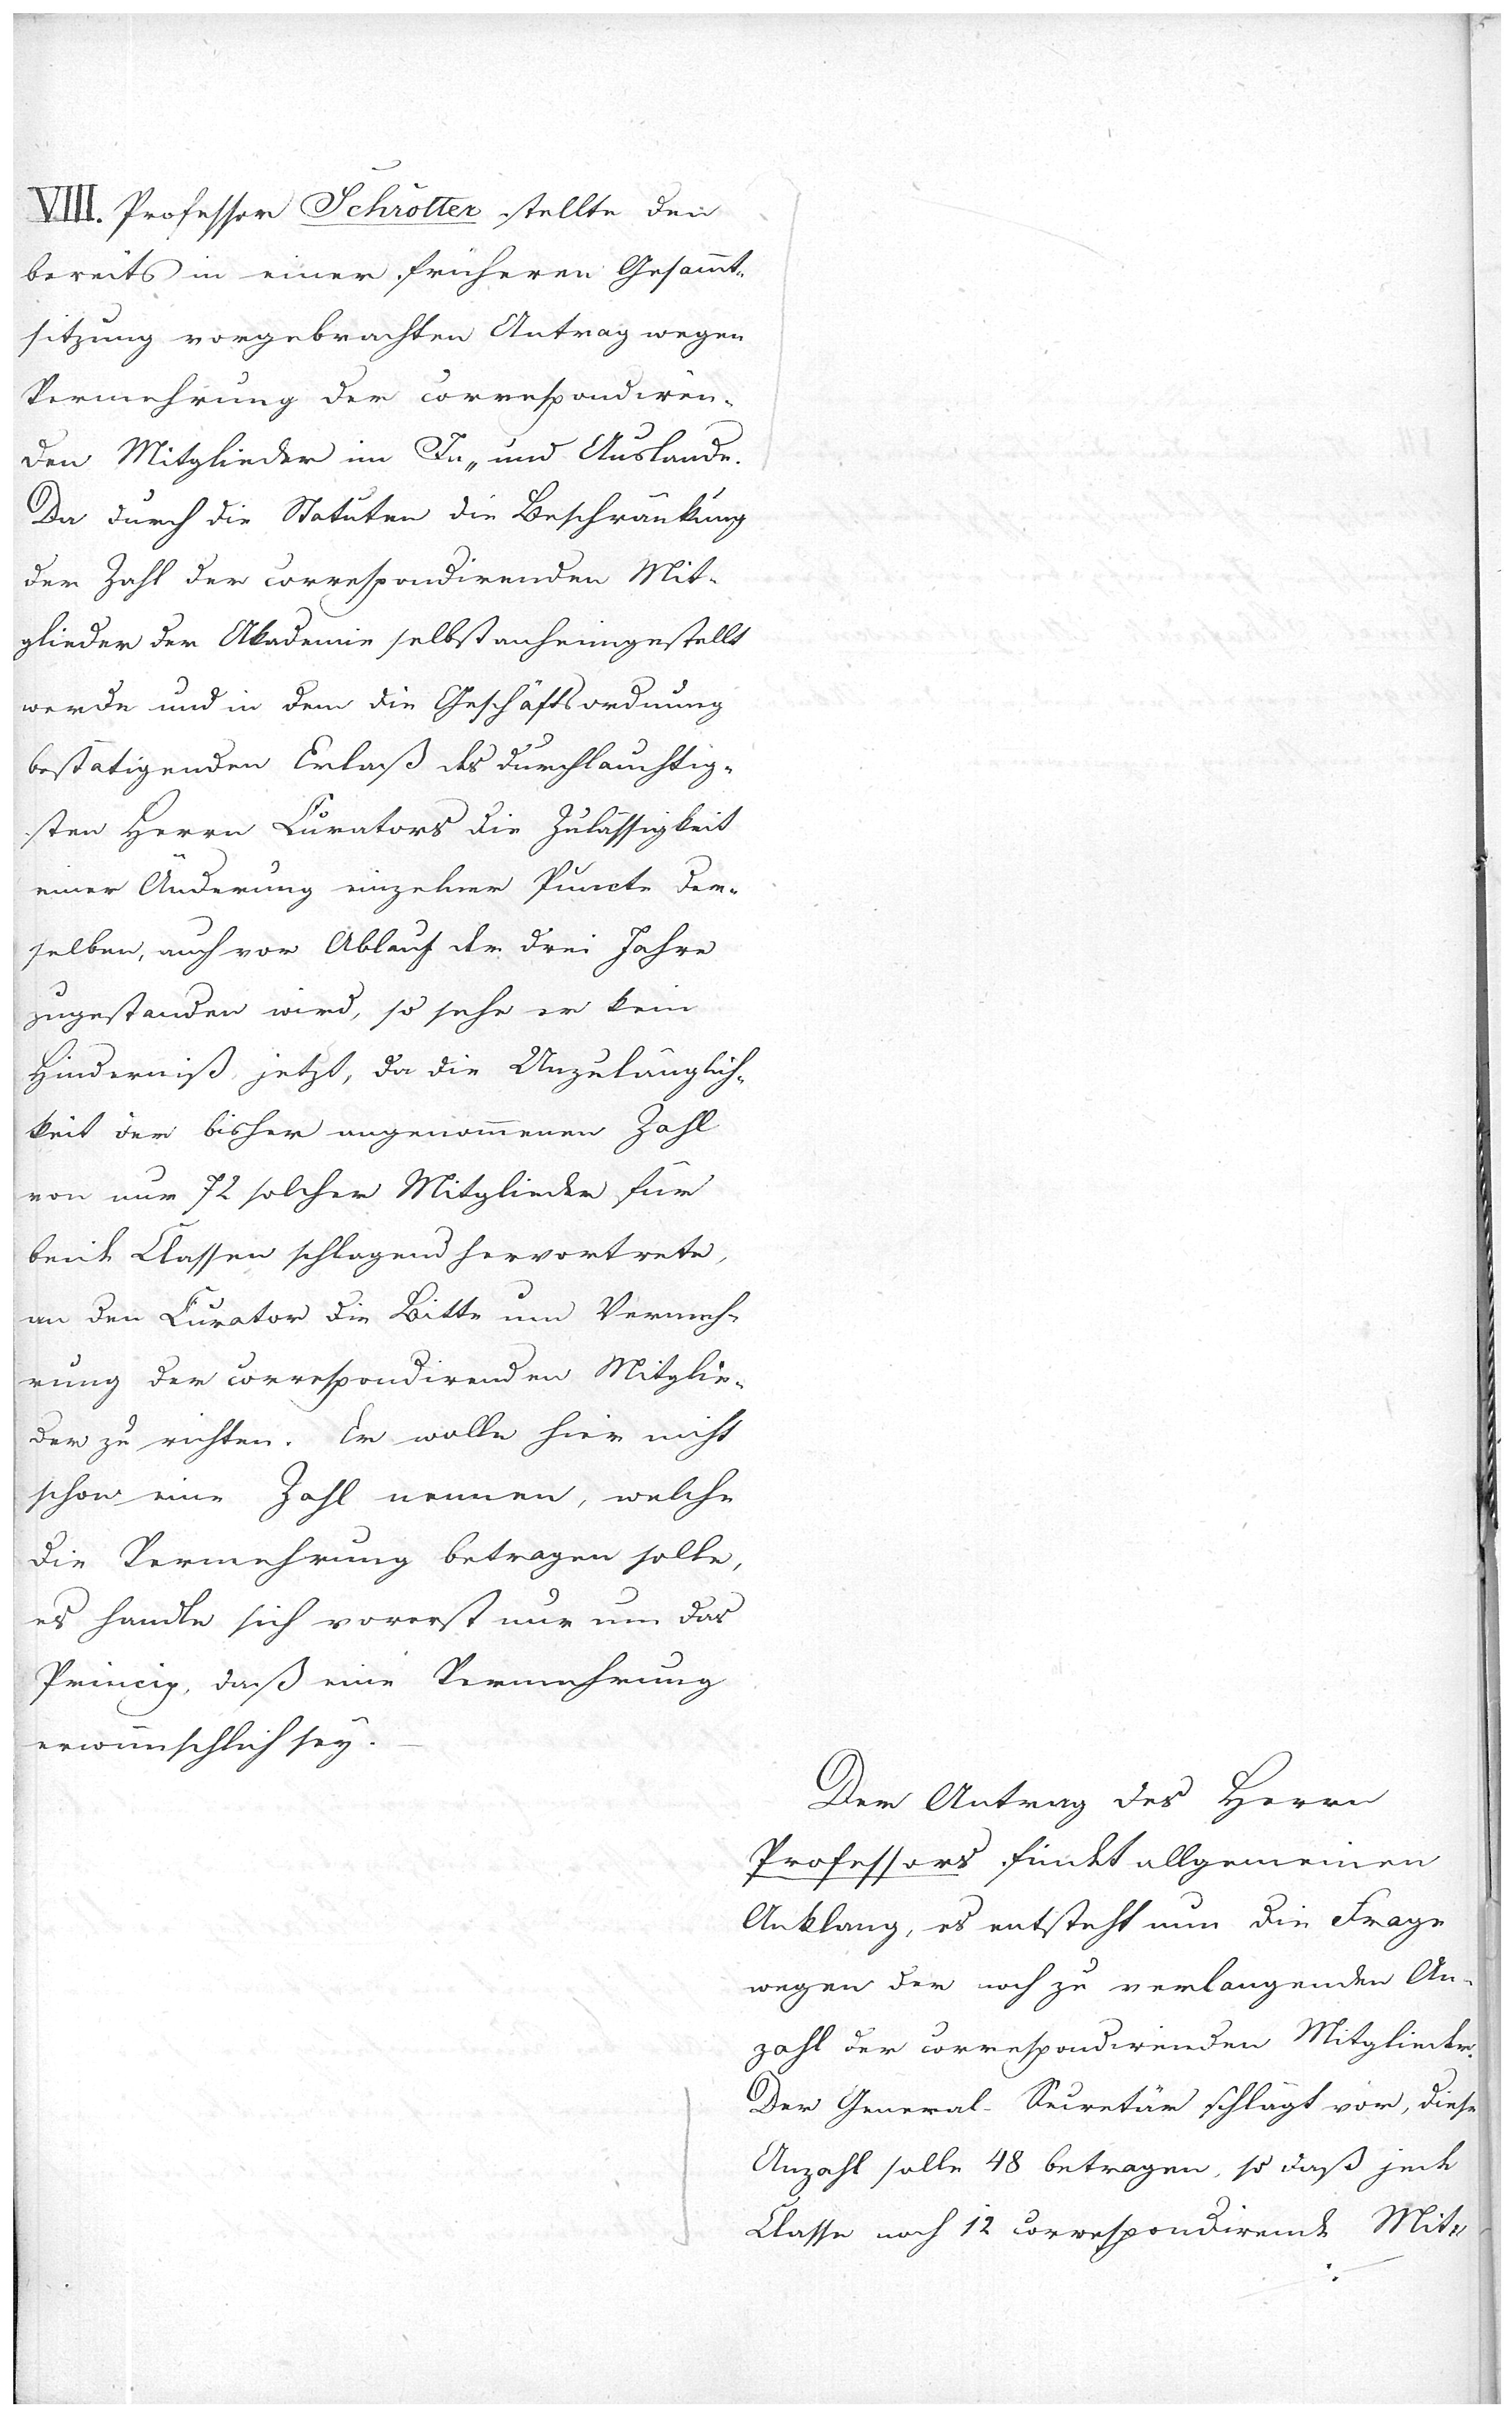VIII. Professor Schrötter stellte den
bereits in einer früheren Gesammt-
sitzung vorgebrachten Antrag wegen
Vermehrung der correspondiren-
den Mitglieder im In- und Auslande.
Da durch die Statuten die Beschränkung
der Zahl der correspondirenden Mit-
glieder der Akademie selbst anheimgestellt
werde und in dem die Geschäftsordnung
bestätigenden Erlaß des durchlauchtig-
sten Herrn Curators die Zulässigkeit
einer Änderung einzelner Puncte der-
selben, auch vor Ablauf der drei Jahre
zugestanden wird, so sehe er kein
Hinderniß jetzt, da die Unzulänglich-
keit der bisher angenommenen Zahl
von nur 72 solcher Mitglieder für
beide Classen schlagend hervortrete,
an den Curator die Bitte um Vermeh-
rung der corrspondirenden Mitglie-
der zu richten. Er wolle hier nicht
schon eine Zahl nennen, welche
die Vermehrung betragen solle,
es handle sich vorerst nur um das
Princip, daß eine Vermehrung
erwünschlich sey.
Der Antrag des Herrn
Professors findet allgemeinen
Anklang, es entsteht nun die Frage
wegen der noch zu verlangenenden An-
zahl der correspondirenden Mitglieder.
Der General-Secretär schlägt vor, diese
Anzahl solle 48 betragen, so daß jede
Classe noch 12 correspondirende Mit-